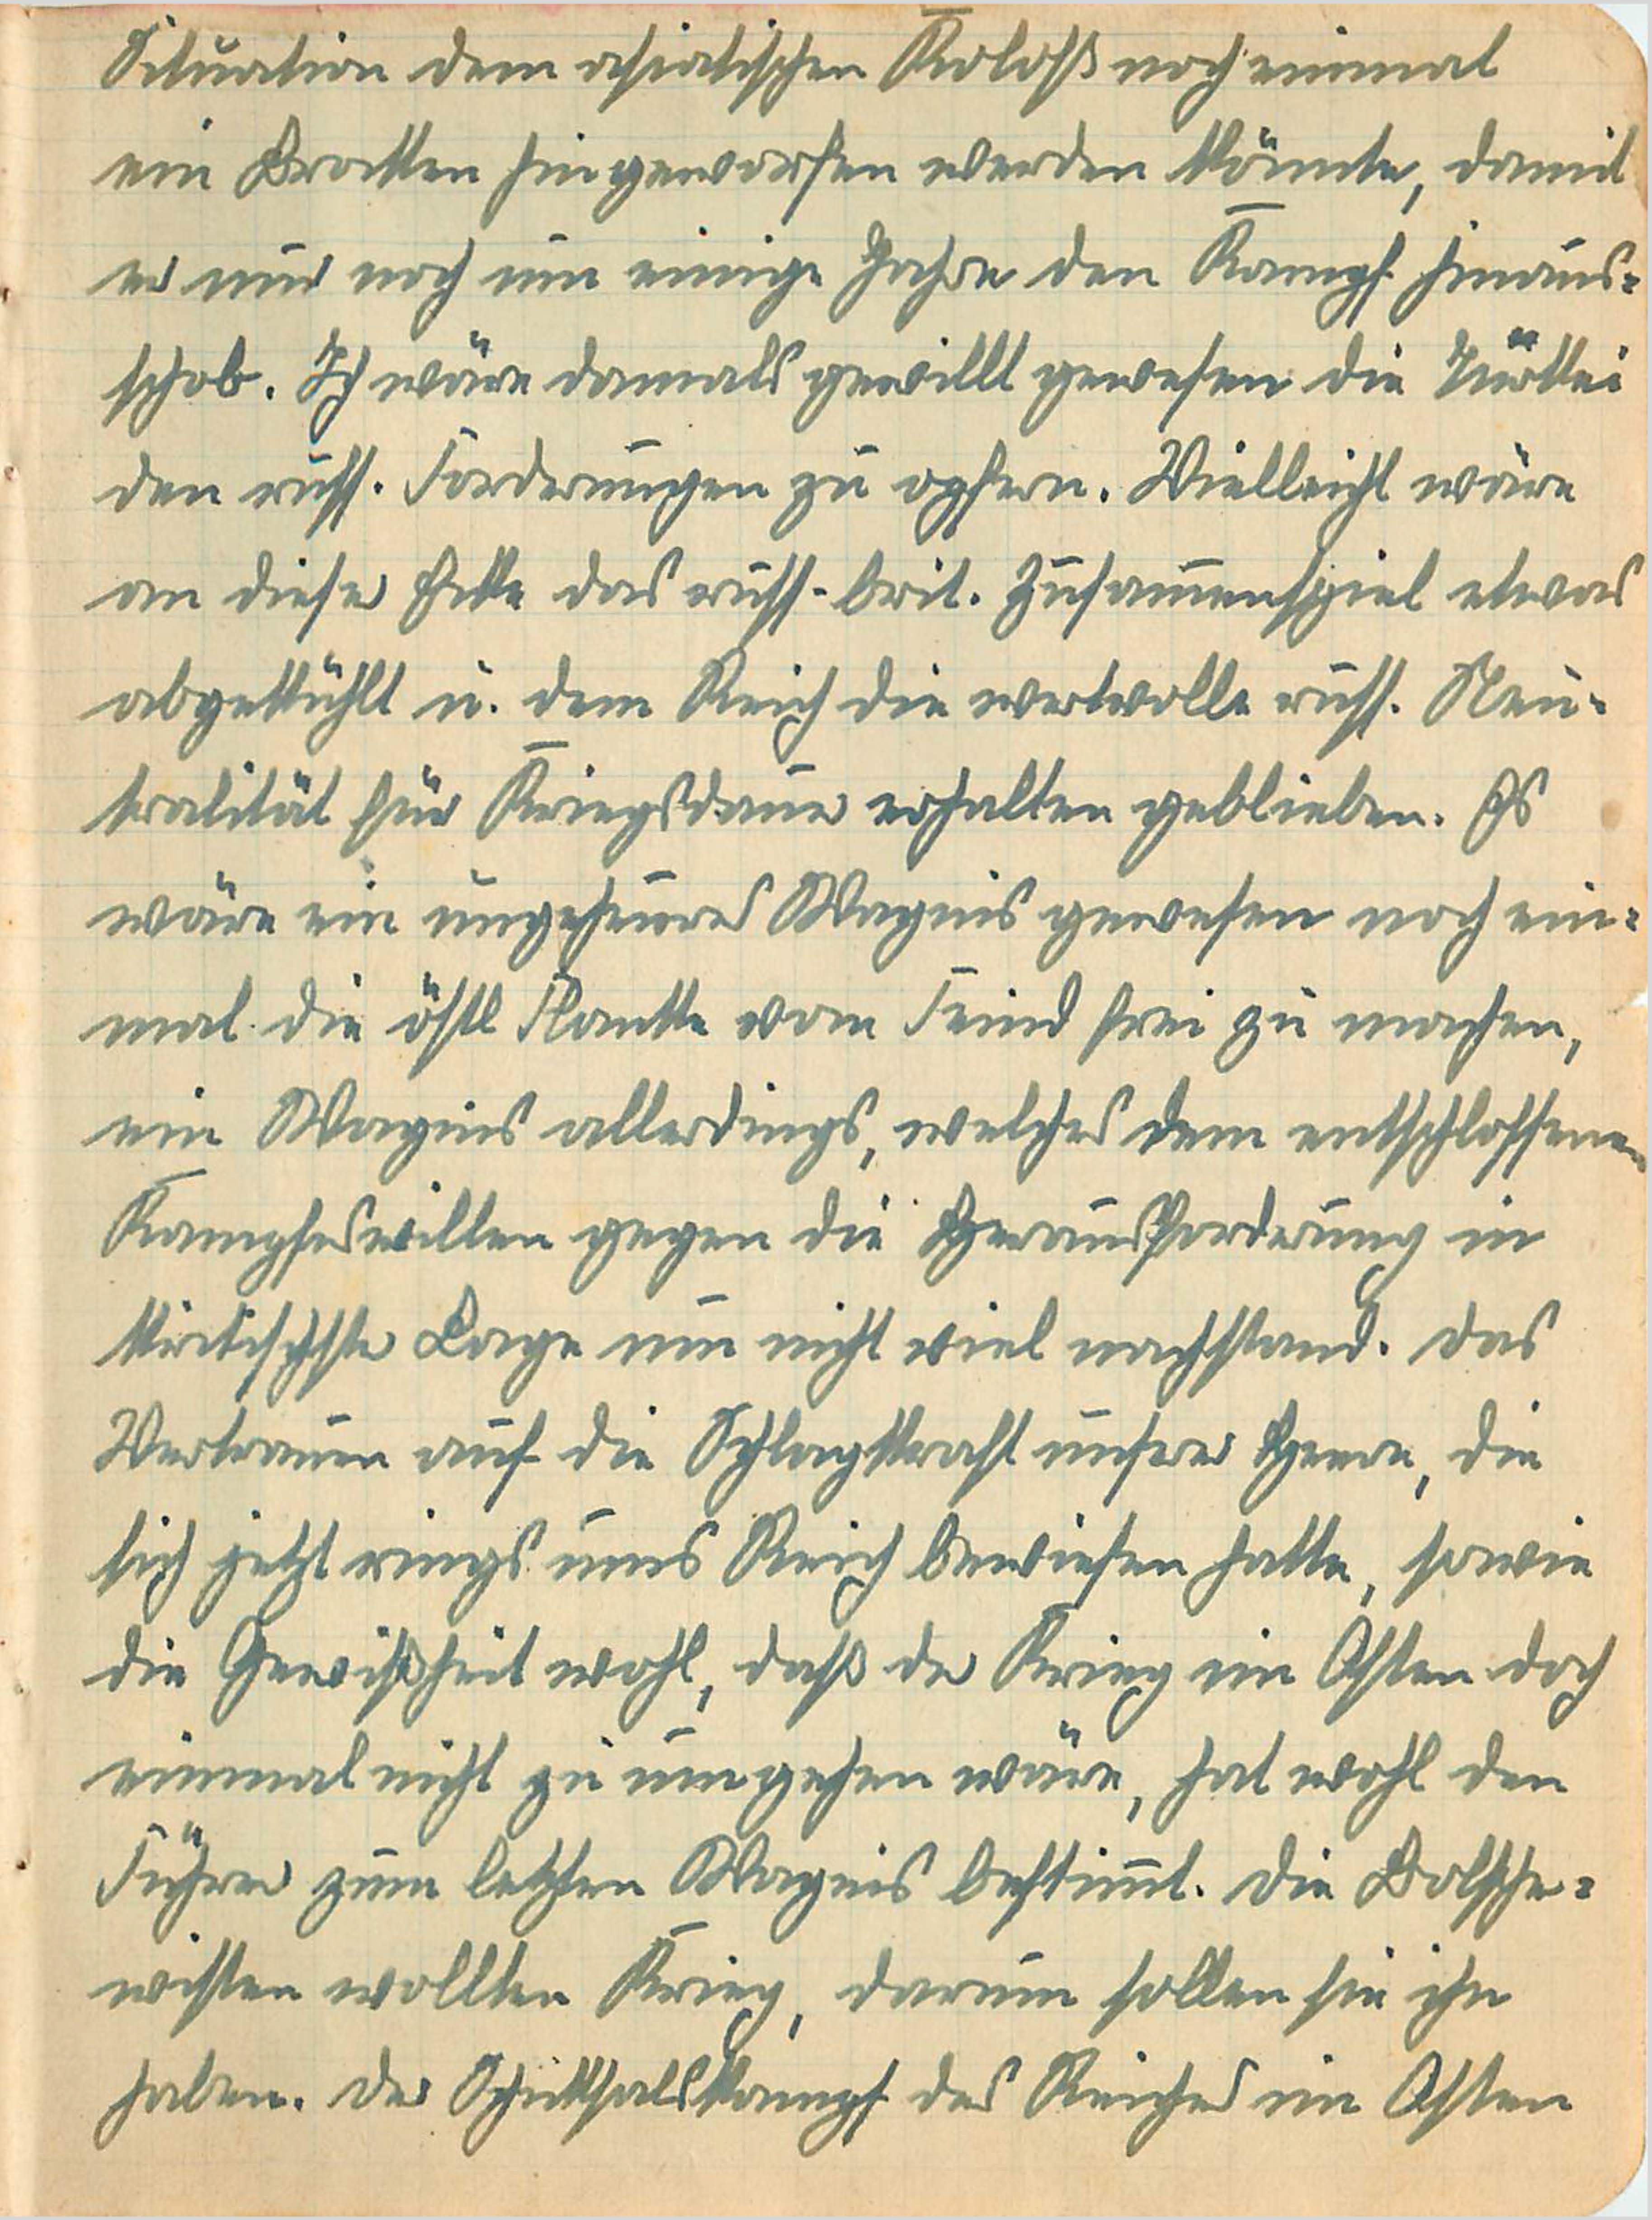Situation dem asiatischen Koloß noch einmal
ein Brocken hingeworfen werden könnte, damit
er nur noch um einige Jahre den Kampf hinaus-
schob. Ich wäre damals gewillt gewesen die Türkei
den russ. Forderungen zu opfern. Vielleicht wäre
an dieser Ecke dar russ-brit. Zusammenspiel etwas
abgekühlt u. dem Reich die wertvolle russ. Neu-
tralität für Kriegsdauer erhalten geblieben. Es
wäre ein ungeheures Wagnis gewesen noch ein-
mal die östl Flanke vom Feind frei zu machen,
ein Wagnis allerdings, welches dem entschlossenen
Kampfeswillen gegen die Herausforderung in
kritischer Lage nun nicht viel nachstand. Das
Vertrauen auf die Schlagkraft unserer Heere, die
sich jetzt rings ums Reich bewiesen hatte, sowie
die Gewißheit wohl, daß der Krieg im Osten doch
einmal nicht zu umgehen wäre, hat wohl den
Führer zum letzten Wagnis bestimmt. Die Bolsche-
wisten wollten Krieg, darum sollen sie ihn
haben. Der Schicksalskampf des Reiches im Osten